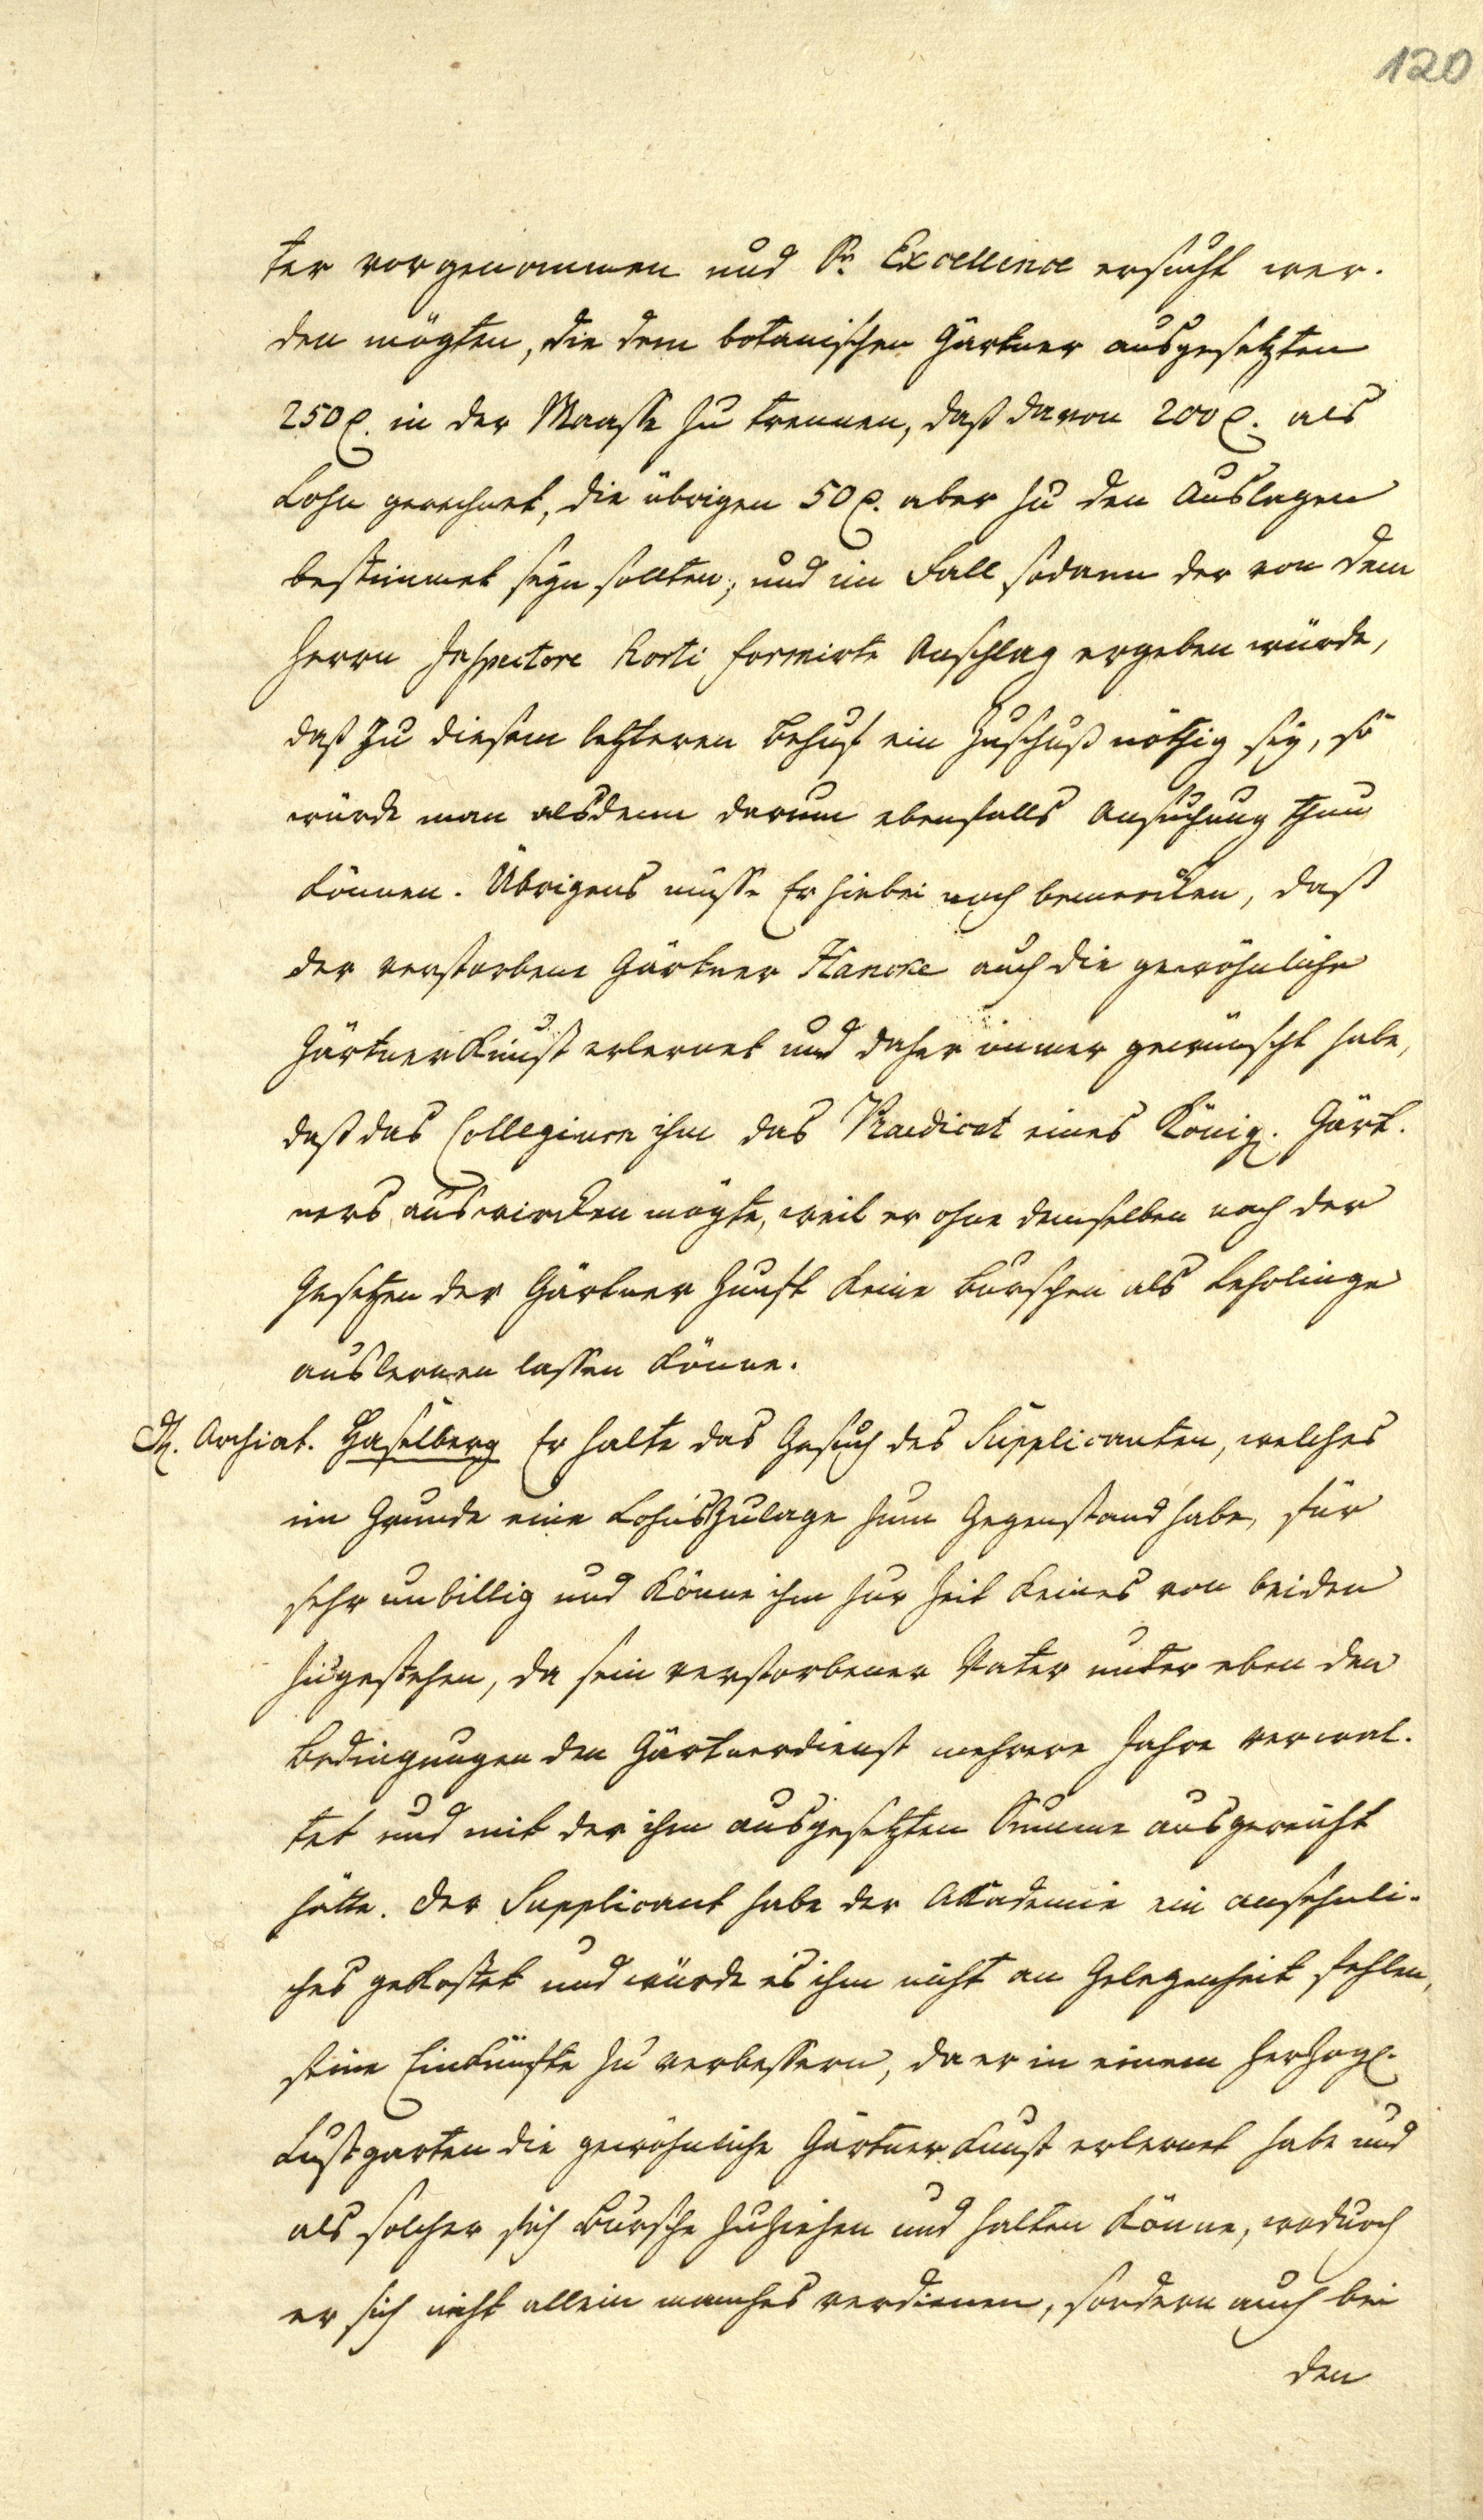ter vorgenommen und Sr. Excellence ersucht wer¬
den mögten, die dem botanischen Gärtner ausgesetzten
250 l. in der Maasse zu trennen, daß davon 200 l. als
Lohn gerechnet, die übrigen 50 l. aber zu den Auslagen
bestimmet seÿn sollten, und im Fall sodann der von dem
Herrn Inspectore horti formirte Anschlag ergeben würde,
daß zu diesem letzteren Behuf ein Zuschuß nöthig seÿ, so
würde man alsdenn darum ebenfalls Ansuchung thun
können. Übrigens müsse Er hiebei noch bemercken, daß
der verstorbene Gärtner Hancke auch die gewöhnliche
Gärtnerkunist erlernet und daher immer gewünscht habe,
daß das Collegium ihm das Praedicat eines Königl. Gärt¬
ners auswircken mögte, weil er ohne demselben nach der
Gesetzen der Gärtner Zunft keine Buörschen als Lehrlinge
auslernen lassen könne.
dh. Archiat. Haselberg. Er halte das Gesuch des Supplicanten, welches
im Grunde eine Lohnszulage zum Gegenstand habe, für
sehr unbillig und könne ihm zur Zeit keines von beiden
zugestehen, da sein verstorbener Vater unter eben den
Bedingungen den Gärtnerdienst mehrere Jahre verwal¬
tet und mit der ihm ausgesetzten Summe ausgereicht
hätte. Der Supplicant habe der Akademie ein ansehnli¬
ches gekostet und würde es ihm nicht an Gelegenheit fehlen,
seine Einkünfte zu verbessern, da er in einem Herzogl.
Lustgarten die gewöhnliche Gärtner kunst erlernet habe und
als solcher sich Bursche zuziehen und halten könne, wodurch
er sich nicht allein manches verdienen, sondern auch bei
den